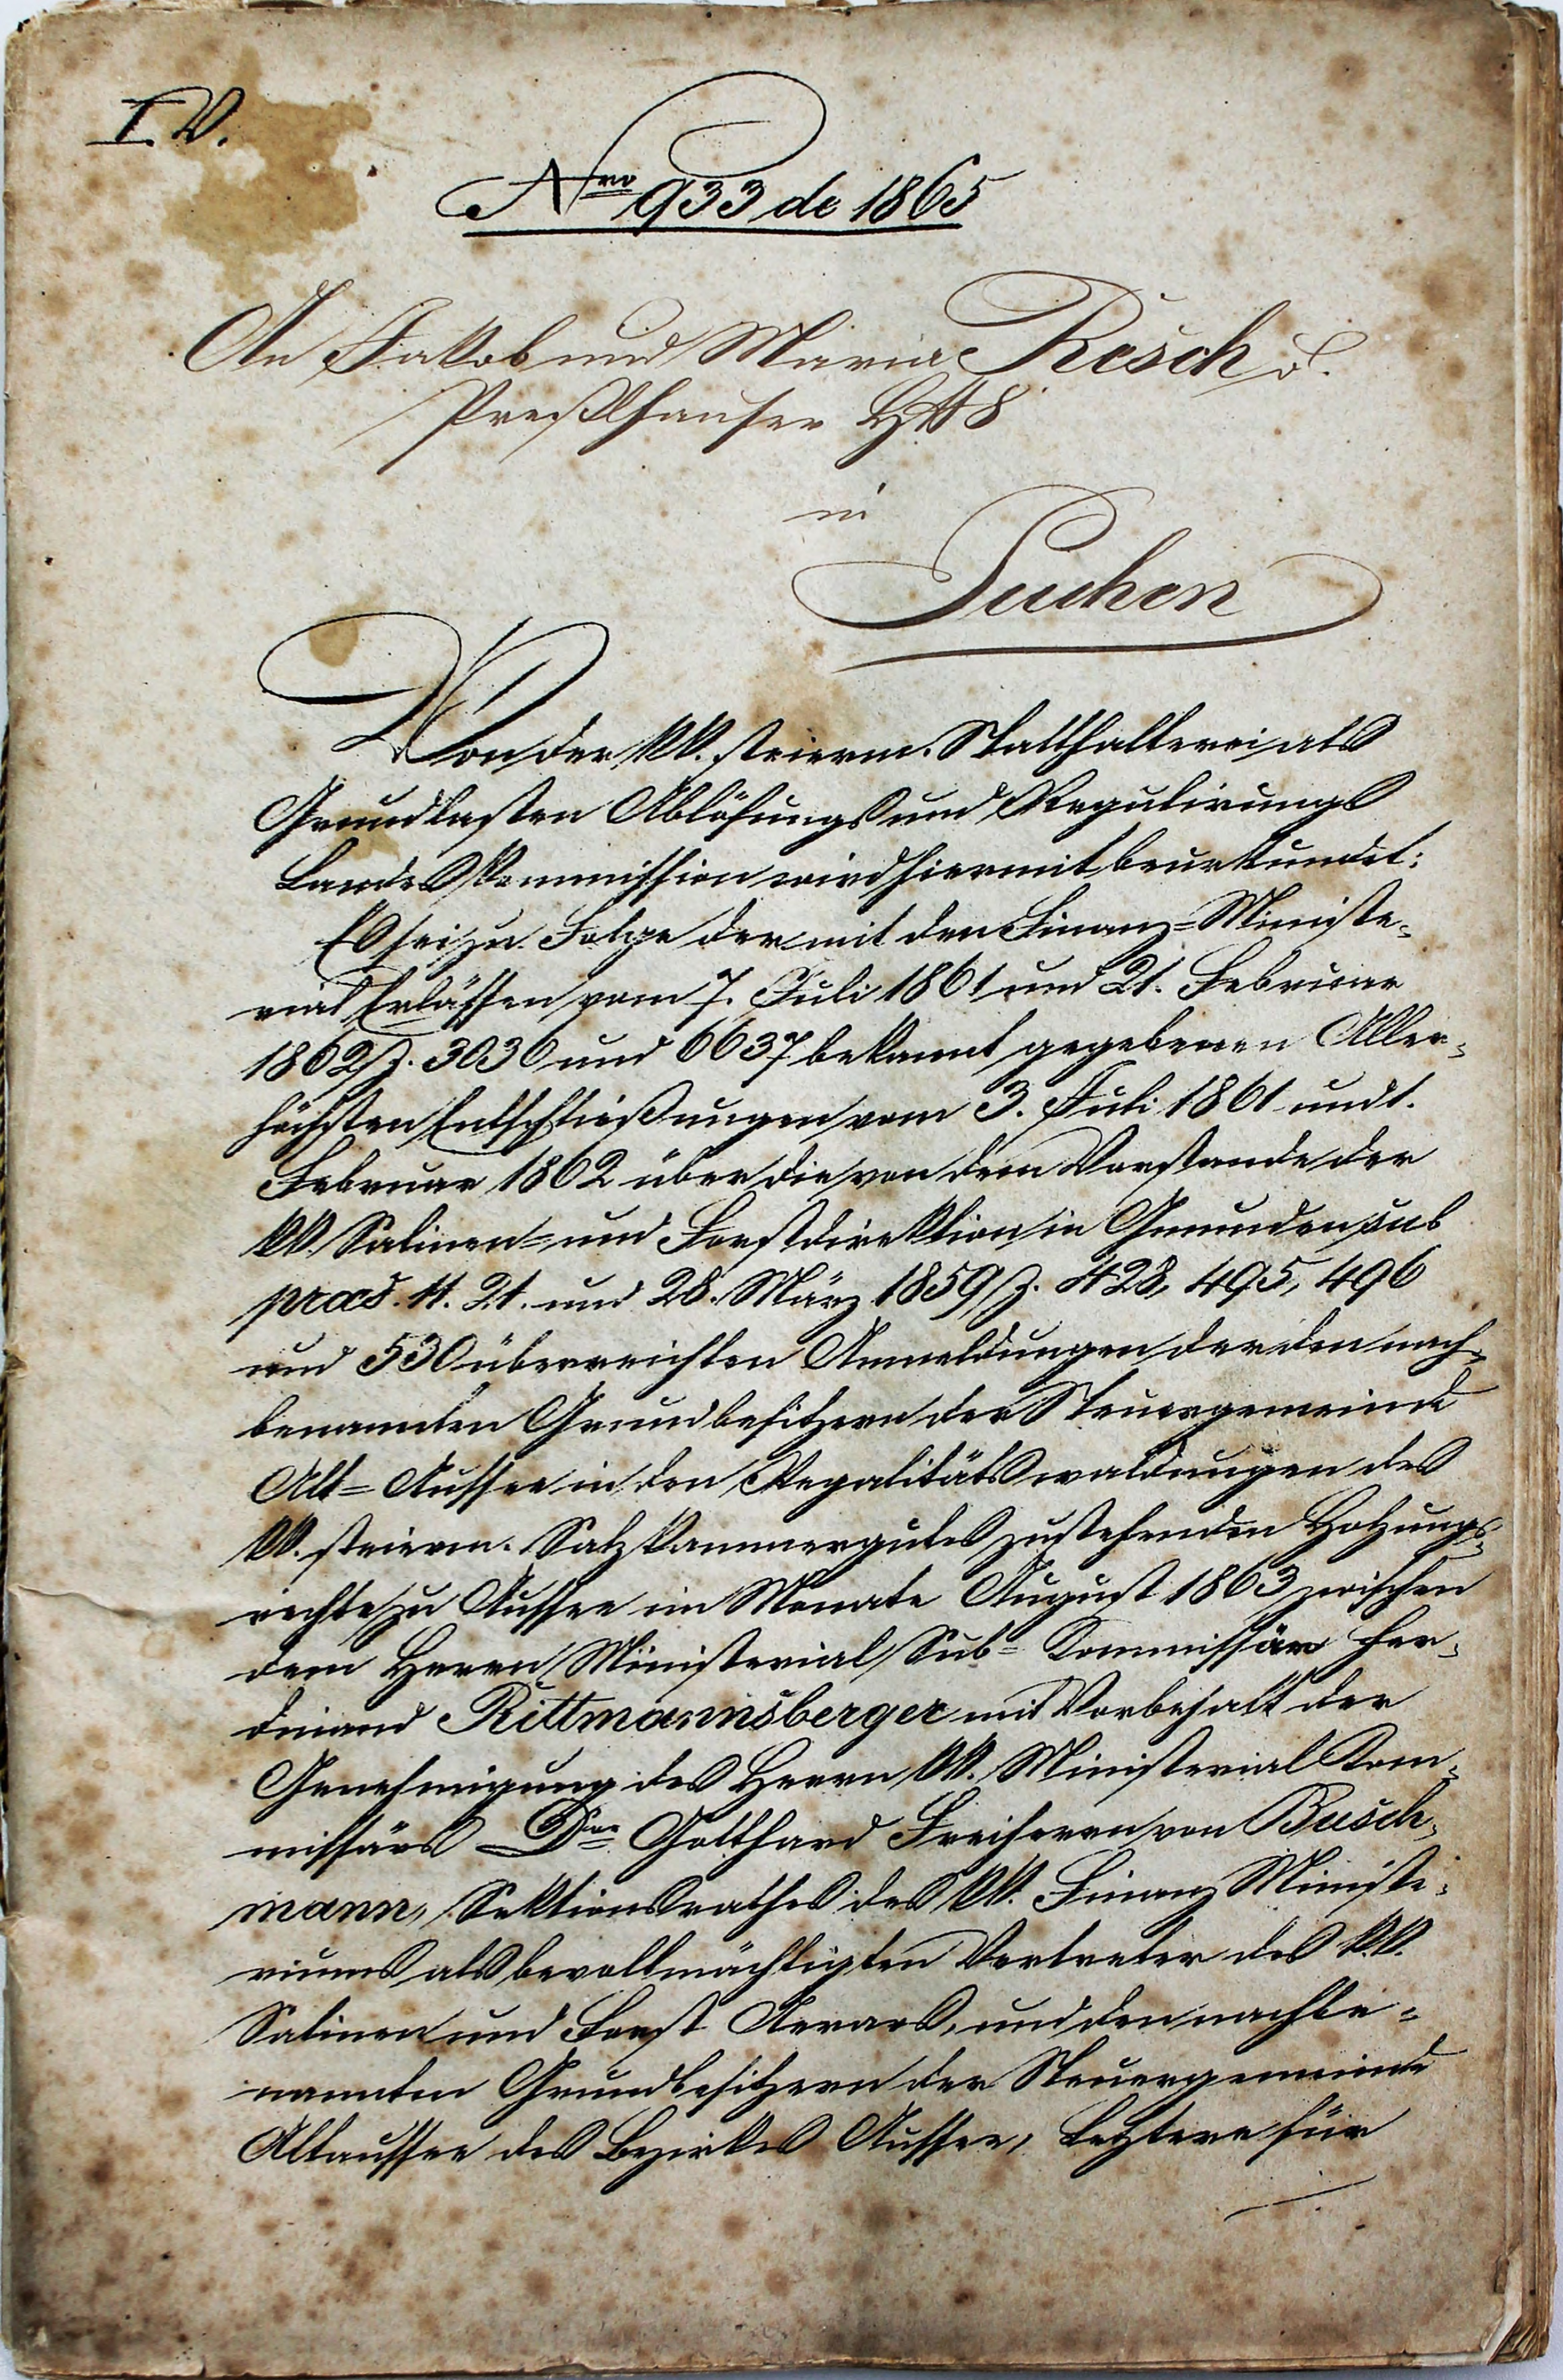I.V.
Nro 933 de 1865
An Jakob und Maria Resch ab
Preßlhauser Hn 8
in
Puchen
Von der kk. steierm. Statthalterei als
Grundlasten Ablösung und Regulirungs
Landeskommission wird hiermit beurkundet:
Es sei zu Folge der mit den Finanz=Ministe„
rial Erlässen vom 7. Juli 1861 und 21. Februar
1862 Z. 303 und 6637 bekannt gegebenen Aller„
höchsten Entschtießungen vom 3. Juli 1861 und 1.
Februar 1862 über die von dem Vorstande der
kk. Salinen= und Forstdirektion in Gmunden aus
pras. 11. 21. und 28. März 1859 Z. 428, 495, 496
und 530 überreichten Anmeldungen der den nach
bekannten Grundbesitzern der Steuergemeinde
Alt=Aussee in den Regalitätswaldungen des
kk. steierm. Salzkammergutes zustehenden Holzungs„
rechte zu Aussee im Monate August 1863 zwischen
dem Herrn Ministerial Sub= Kommissär Fer„
dinand Rittmannsberger mit Vorbehalt der
Genehmigung des Herrn kk. Ministerial Kom„
missärs D?? Gotthard Freiherrn von Busch„
mann, Sektionsrathes des kk. Finanz Ministe„
riums als bevollmächtigten Vortreter des k.k.
Salinen und Forst Aerars, und den machbe=
nannten Grundbesitzern der Steuergemeinde
Altaussee des Bezirkes Aussee, Letztere für